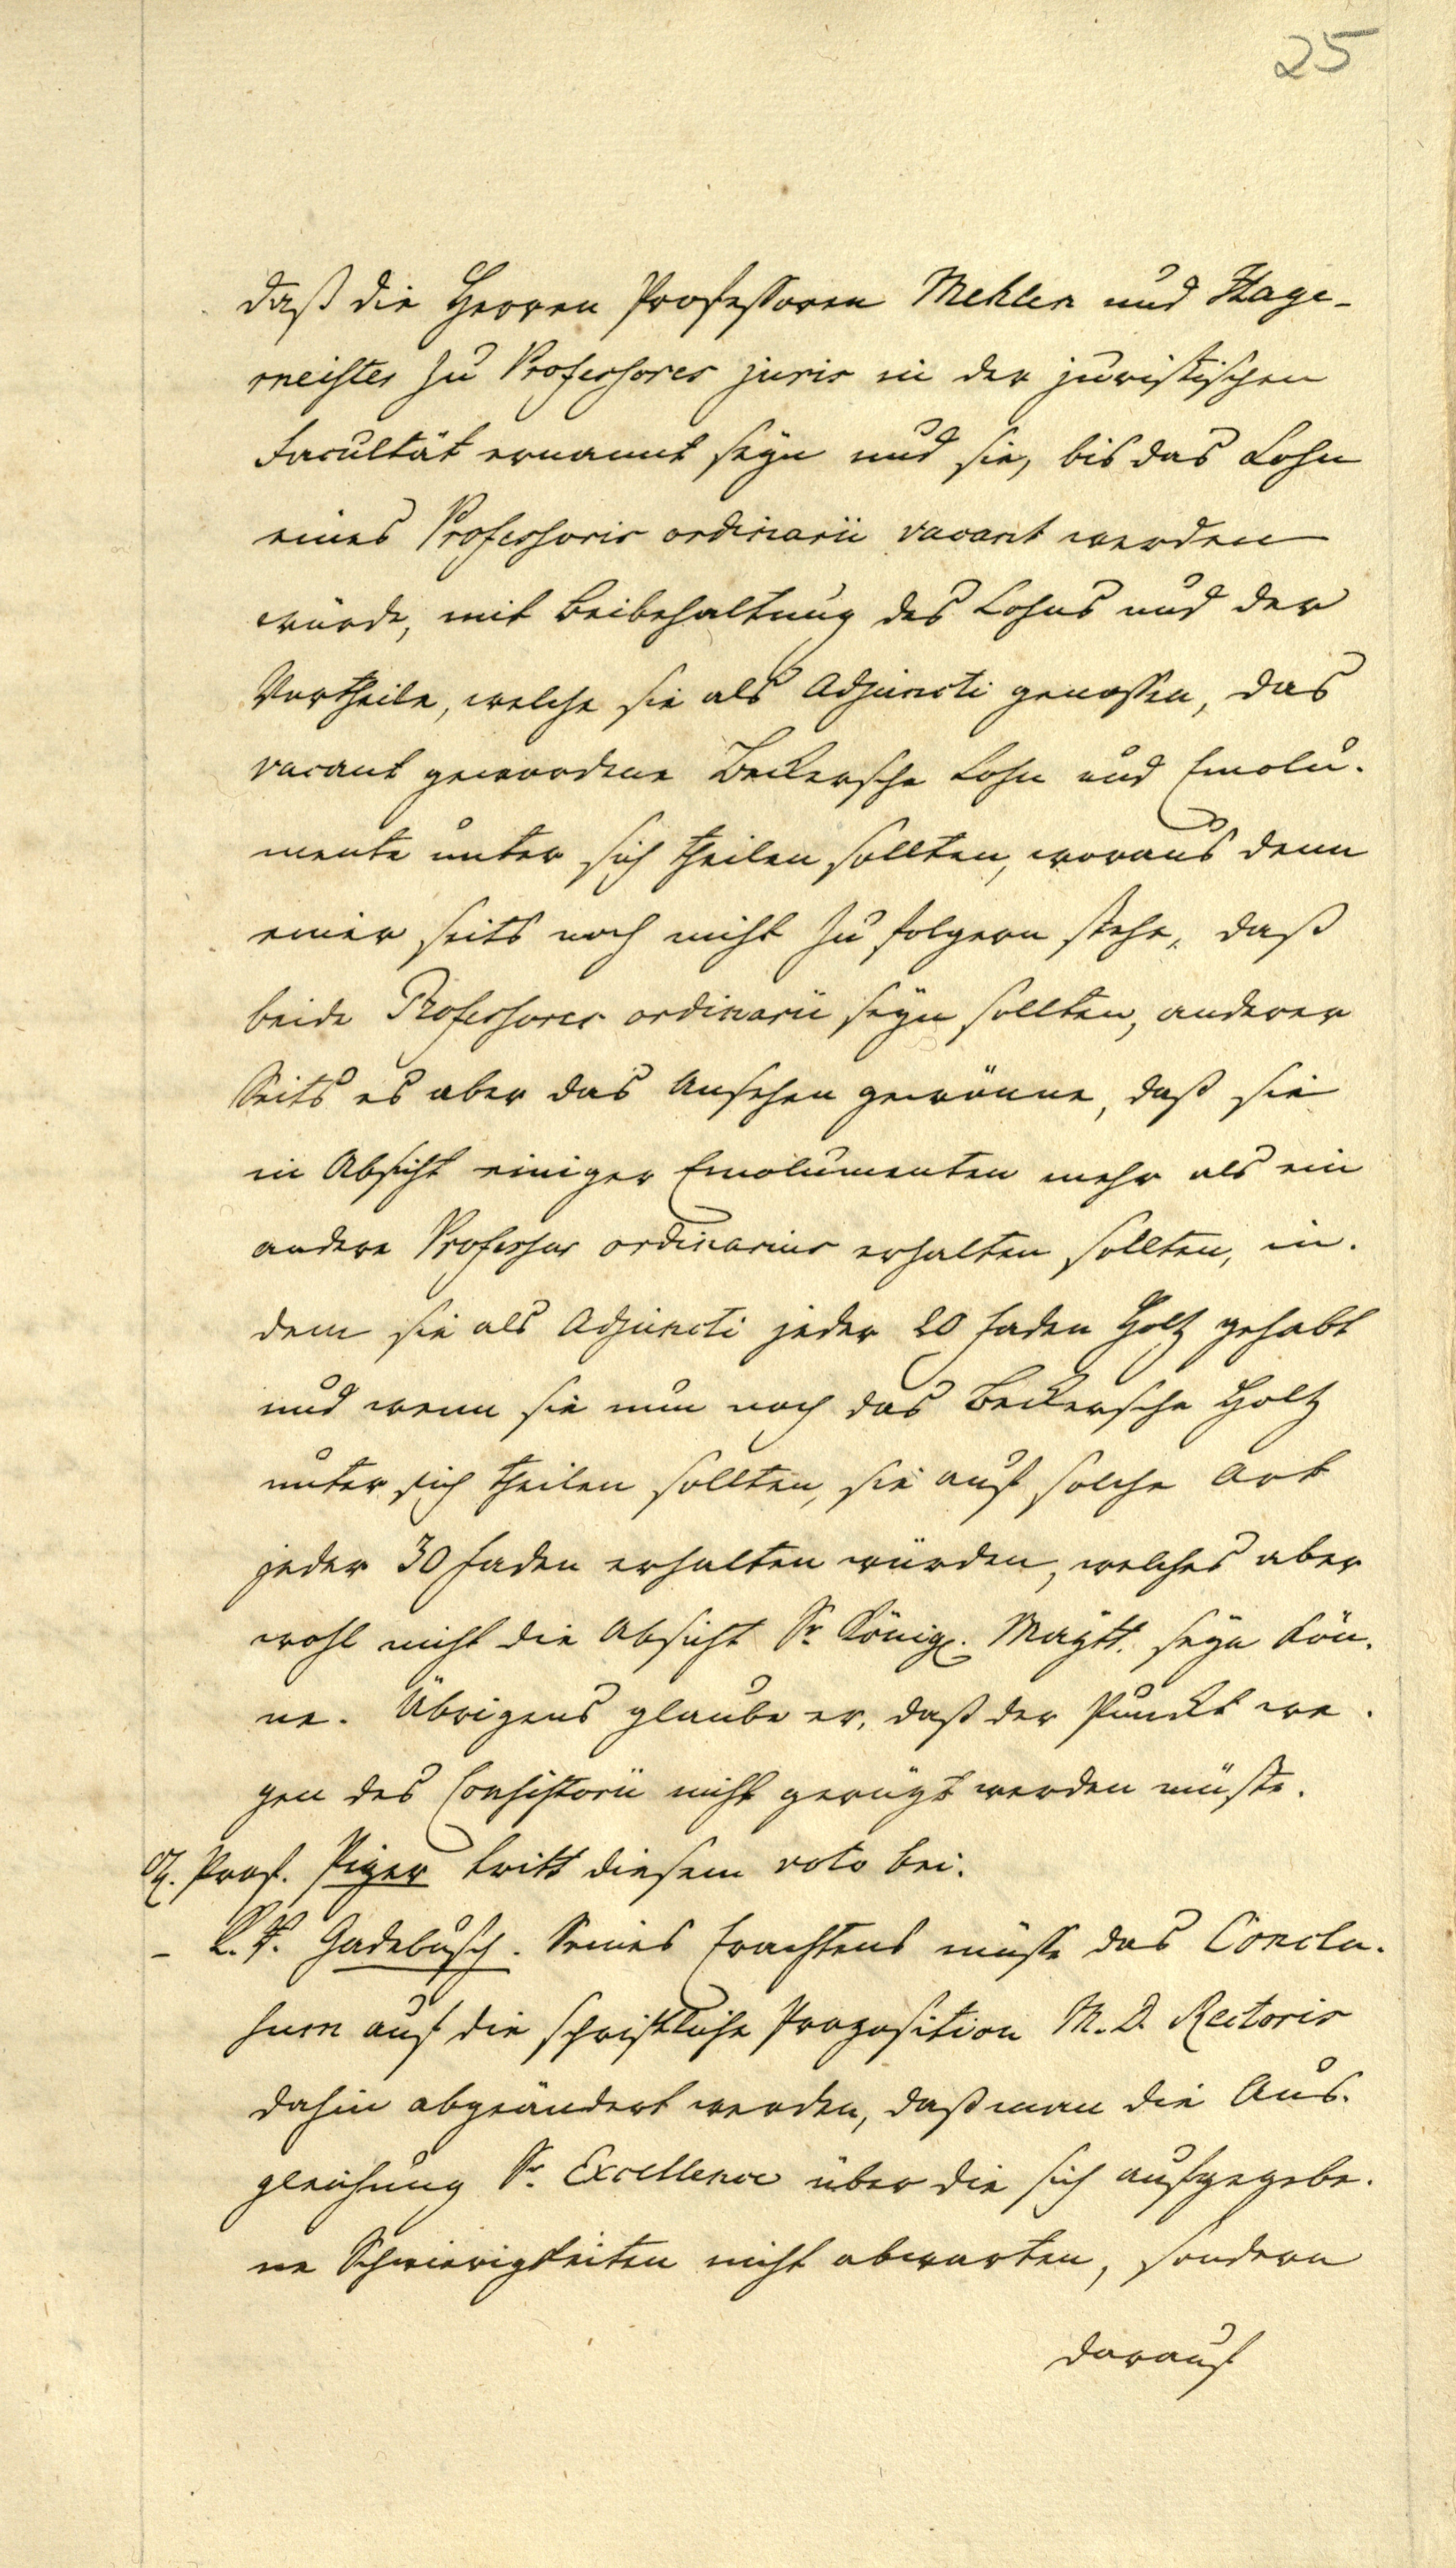daß die Herren Professoren Mehlen und Hage¬
meister zu Professores juris in der juristischen
Facultät ernannt seÿn und sie, bis das Lohn
eines Professoris ordinarii vacant werden
würde, mit Beibehaltung des Lohns und der
Vortheile, welche sie als Adjuncti genossen, das
vacant gewordene Beckersche Lohn und Emolu¬
mente unter sich theilen sollten, woraus denn
einer seits noch nicht zu folgern stehe, daß
beide Professores ordinarii seÿn sollten, anderer
Seits es aber das Ansehen gewönne, daß sie
in Absicht einiger Emolumenten mehr als ein
andere Professor ordinarius erhalten sollten, in¬
dem sie als Adjuncti jeder 20 Faden Holz gehabt
und wenn sie nun noch das Beckersche Holz
unter sich theilen sollten, sie auf solche Art
jeder 30 Faden erhalten würden, welches aber
wohl nicht die Absicht Sr. Königl. Maÿtt. seÿn kön¬
ne. Übrigens glaube er, daß der Punckt we¬
gen des Consistorii nicht gerügt werden müste.
dh. Prof. Piper tritt diesem voto bei.
K. R. Gadebusch. Seines Erachtens müsse das Conclu¬
sum auf die schriftliche Proposition M. D. Rectoris
dahin abgeändert werden, daß man die Aus¬
gleichung Sr. Excellence über die sich aufgegebe¬
ne Schwierigkeiten nicht abwarten, sondern
darauf